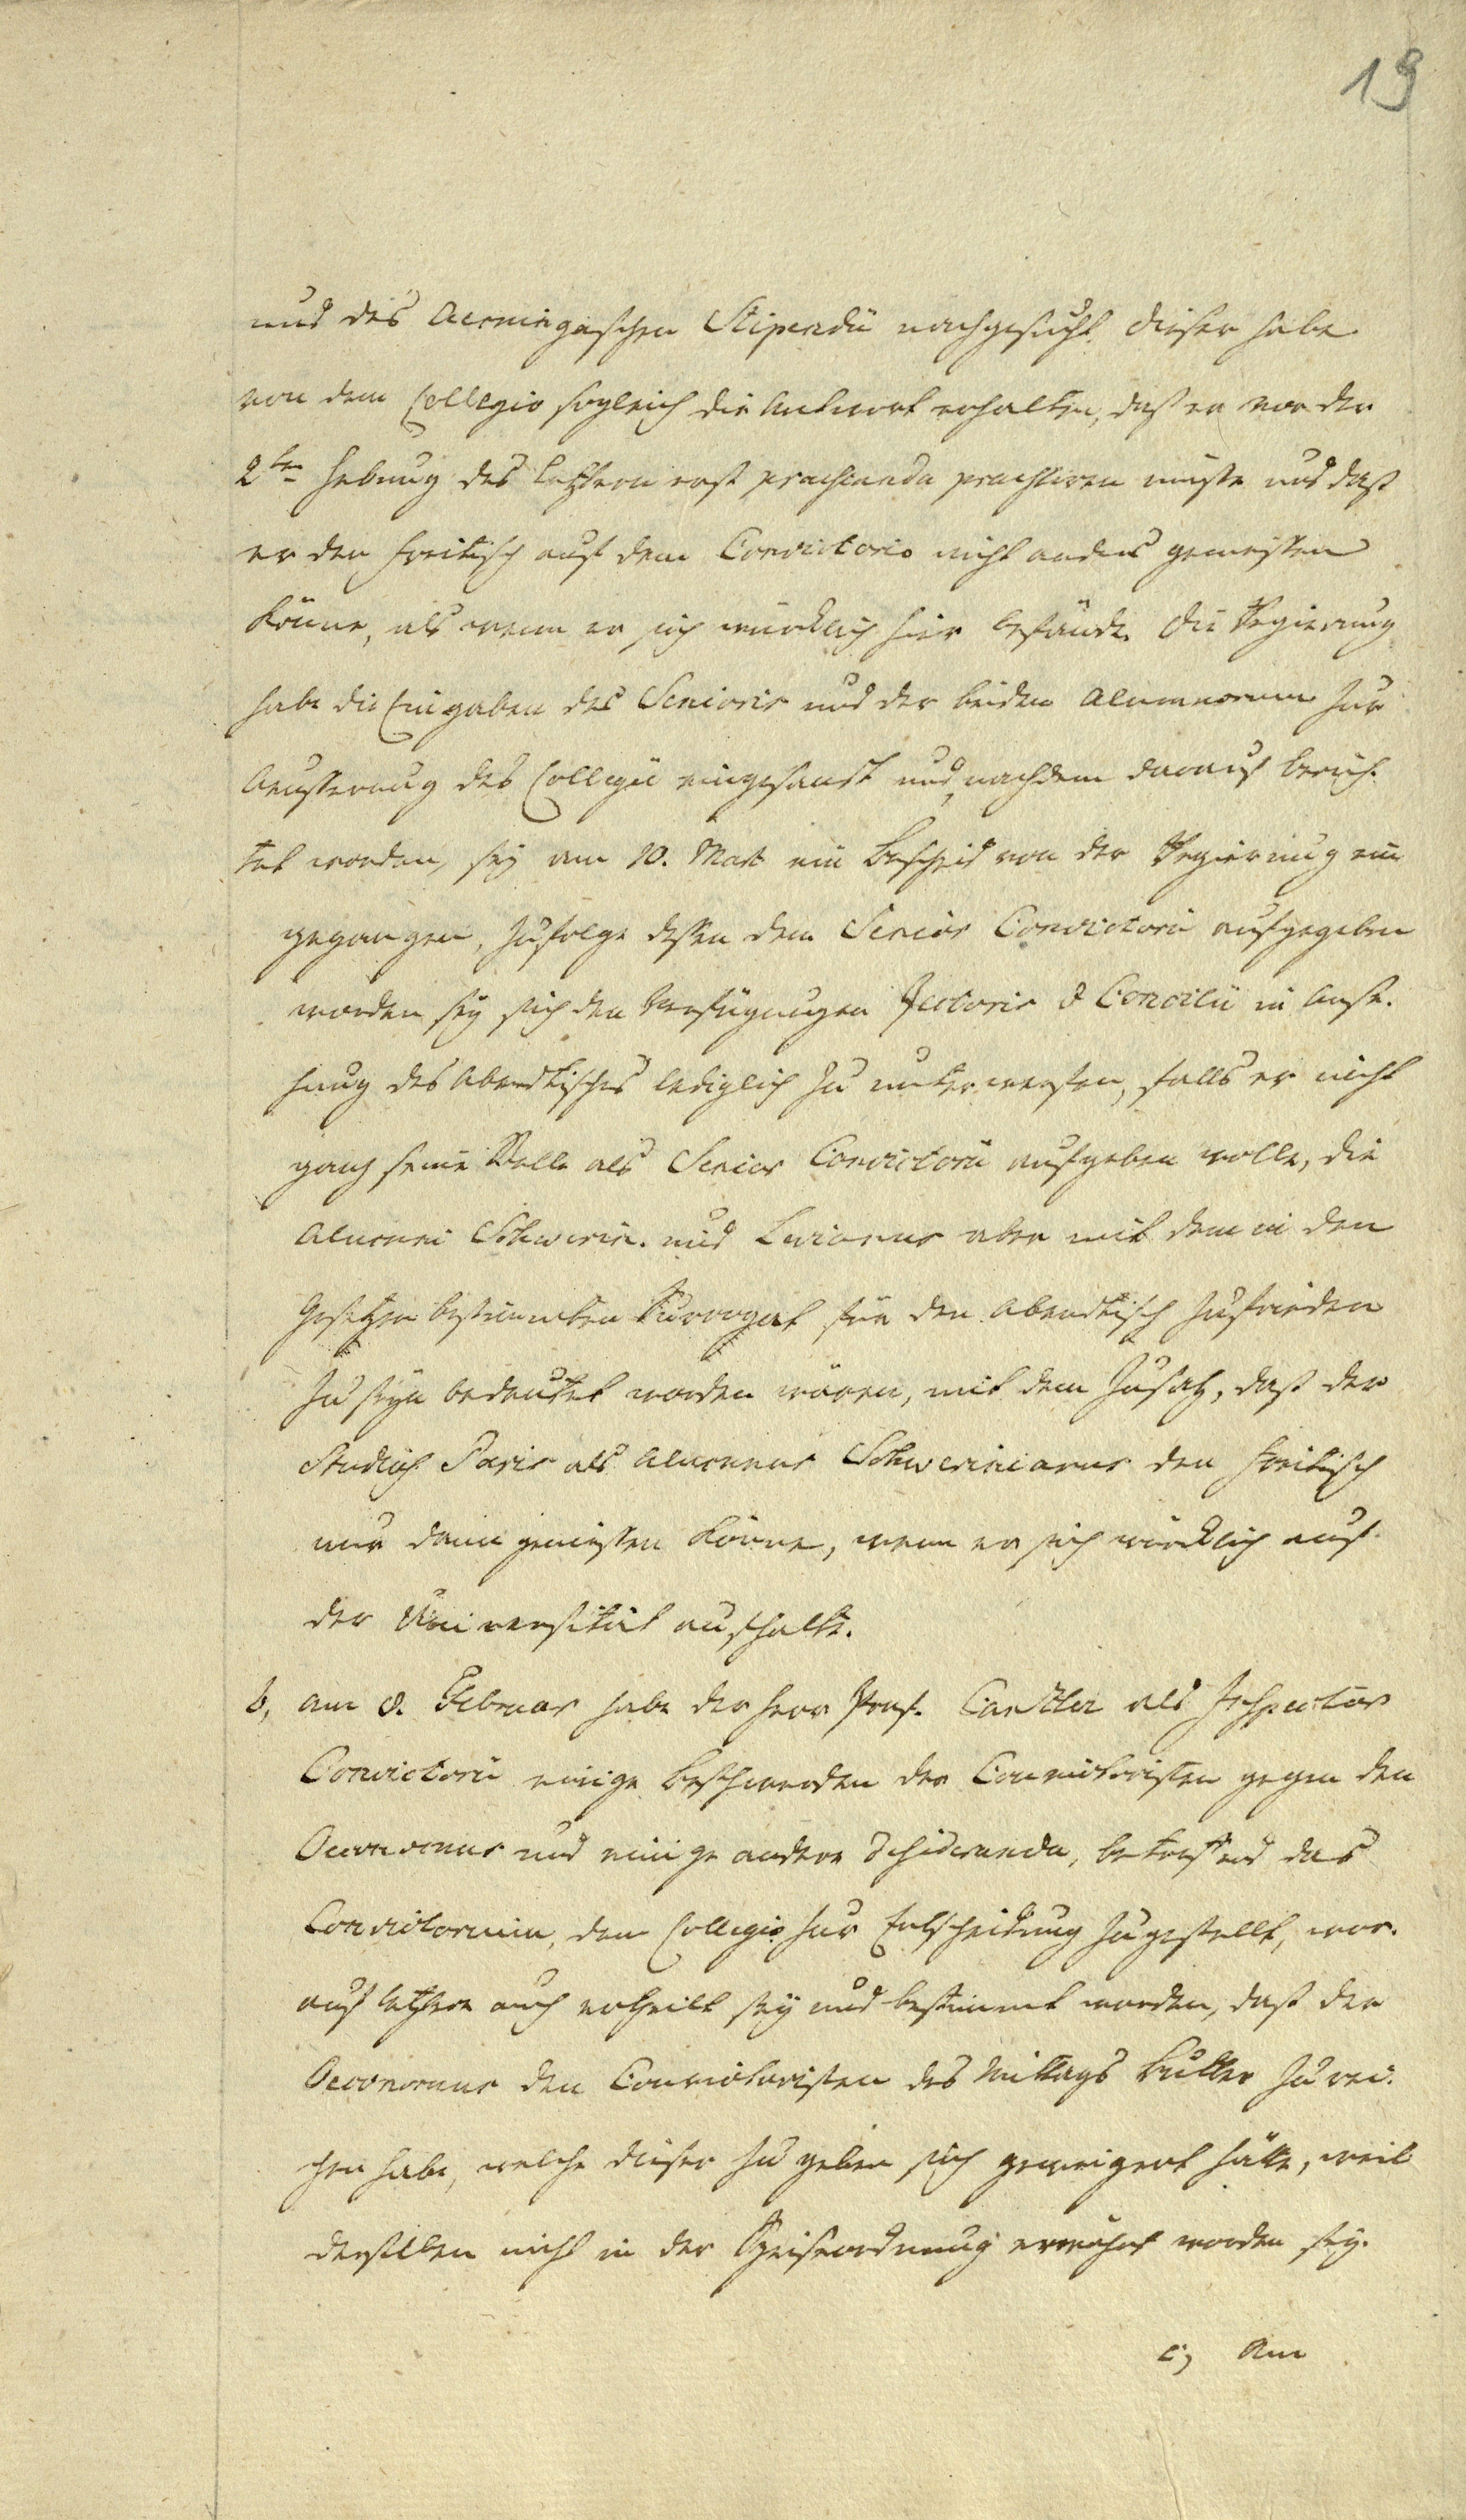und des Aemingaschen Stipendii nachgesucht, dieser habe
von dem Collegio sogleich die Antwort erhalten, daß er vor der
2 ten Hebung des letztern erst praestanda praestiren müsse und daß
er den Freitisch auf dem Convictorio nicht anders geniessen
könne, als wenn er sich würcklich hier befände. Die Regierung
habe die Eingaben des Senioris und der beiden Alumnorum zur
Aeusserung des Collegii eingesandt und nachdem darauf berich¬
tet worden, seÿ am 10. Mart ein Bescheid von der Regierung ein¬
gegangen, zufolge dessen dem Senior Convictorii aufgegeben
worden seÿ, sich den Verfügungen Rectoris et Concilii in Anse¬
hung des Abendtisches lediglich zu unterwerfen, falls er nicht
ganz seine Stelle als Senior Convictorii aufgeben wolle, die
Alumni Schwerin. und Levianus aber mit dem in den
Gesetzen bestimmten Surrogat für den Abendtisch zufrieden
zu seÿn bedeudet worden wären, mit dem Zusatz, daß der
Studios Paris als Alumnus Schwerinianus den Freitisch
nur dann geniessen könne, wenn er sich würcklich auf
der Universität aufhalte.
b., Am 8. Februar habe der Herr Prof. Canzler als Inspector
Convictorii einige Beschwerden der Convictoristen gegen den
Oeconomus und einige andere desideranda, betreffend das
Convictorium, dem Collegio zur Entscheidung zugestellt, wor¬
auf letztere auch ertheilt seÿ und bestimmt worden, daß der
Oeconomus den Convictoristen des Mittags Butter zu rei¬
chen habe, welche dieser zu geben sich geweigert hätte, weil
derselben nicht in der Speiseordnung erwähnt worden seÿ.
c, Am